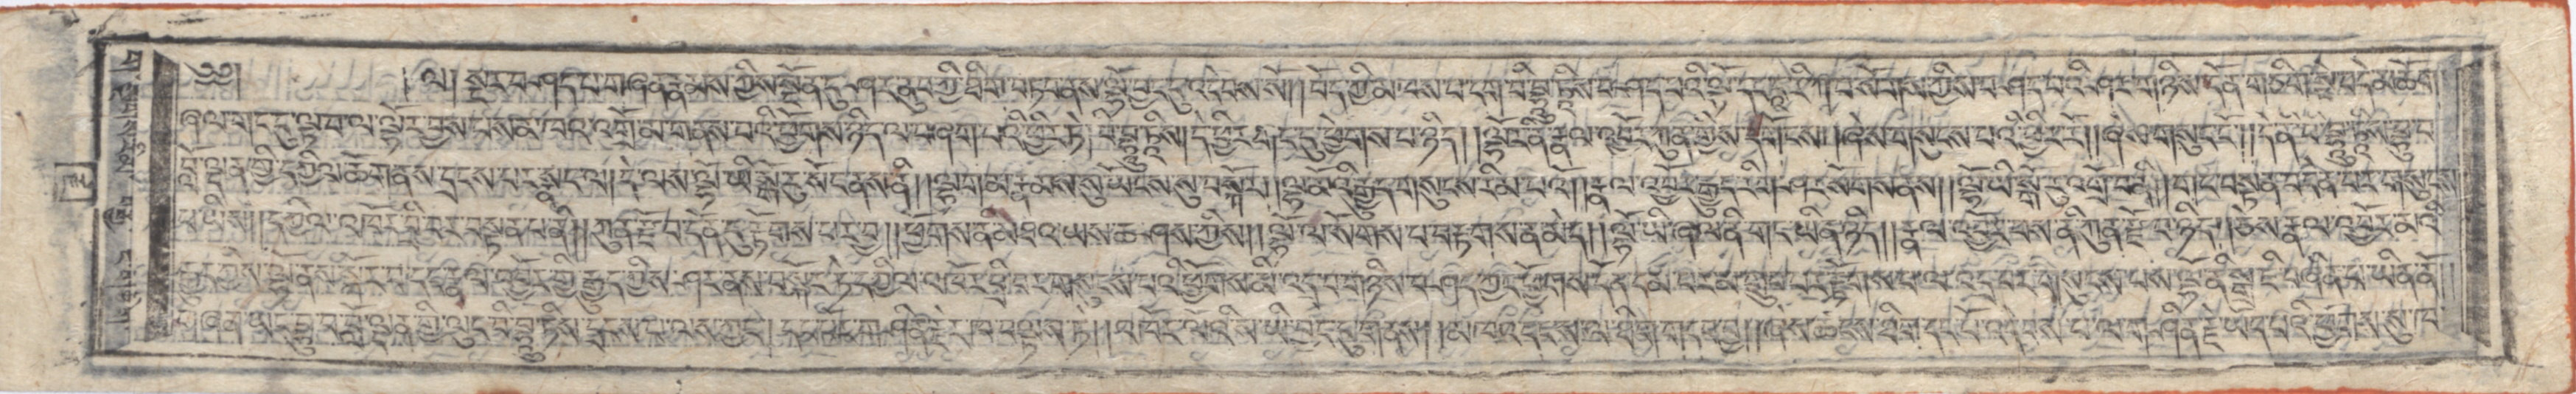༄༅། །ལ། སྔར་བཤད་པ་གཞན་རྣམས་ཀྱིས་སྔོན་དུ་ཤར་ནུབ་ཀྱི་ཐིག་བཏབ་ནས་ལྷོ་བྱང་དུ་འདེབས་སོ། །བོད་ཀྱི་མཁས་པ་དག་བི་བྷཱུ་ཏཱིས་བཤད་པའི་ལྷོ་དང་དཱ་རི་ཀ་པ་སོགས་ཀྱིས་བཤད་པའི་ཤར་གཉིས་དོན་གཅིག་སྟེ་བདེ་མཆོག་
ཞལ་གང་དུ་ལྟ་བ་ལ་ལྷོར་བྱས་པས་མཁའ་འགྲོ་མ་གནས་པའི་ཕྱོགས་ཉིད་ལ་བཞག་པའི་ཕྱིར་ཏེ། བི་བྷཱུ་ཏཱིས། དེ་ཕྱིར་གང་དུ་ཕྱོགས་པ་ཉིད། །ལྷོར་ནི་རྣལ་འབྱོར་ཀུན་གྱིས་དགོངས། །ཞེས་གསུངས་པའི་ཕྱིར་རོ། །ཞེས་གསུང་ངོ། །དེ་ནི་བི་བྷཱུ་ཏཱིས་བྷུ་བ་
བློ་ལྡན་གྱི་དཀྱིལ་ཆོག་ནས་དྲངས་པར་སྣང་ལ། དེ་ལས་ལྷོ་ཡི་སྒོ་རུ་སོང་ནས་ནི། །ལྷག་མ་རྣམས་སུ་ཡོངས་སུ་བསྐོར། །ལྷ་མོའི་རྒྱུད་གསུངས་རིམ་པའོ། །རྣལ་འབྱོར་རྒྱུད་རིག་ཤར་སོགས་ནས། །ལྷོ་ཡི་སྒོ་རུ་འགྲོ་བ་ནི། །གང་བསྟན་བདེན་པར་གསུངས་
པ་ཡིས། །དཀྱིལ་འཁོར་བྲི་བར་བསྟན་པ་ནི། །ཀུན་རྫོབ་དོན་དུ་རྟོགས་པར་བྱ། །ཕྱོགས་ནི་མཐའ་ཡས་ཆ་ཤས་ཀྱིས། །ལྷོ་ལ་སོགས་པ་བརྟགས་ན་མེད། །ལྷོ་ཡི་ཞལ་ནི་གང་ཡིན་ཉིད། །རྣལ་འབྱོར་པས་ནི་ཀུན་རྫོབ་ཉིད། །ཅེས་རྣལ་འབྱོར་མའི་
རྒྱུད་ཀྱིས་ལྷོ་ནས་སྐོར་བ་དང་རྣལ་འབྱོར་གྱི་རྒྱུད་ཀྱིས་ཤར་ནས་བསྐོར་ཏེ་དཀྱིལ་འཁོར་བྲི་བར་གསུངས་པའི་ཕྱོགས་མི་འདྲ་བ་གཉིས་བཤད་ཀྱང་ཕྱོགས་དོན་དམ་པར་མ་གྲུབ་པར་རྟོགས་པ་ལ་འདྲ་བར་གསུངས་པས་ལྷོ་ནི་སྒྲ་ཇི་བཞིན་པ་ཡིན་ནོ།།
གཞན་ཡང་བྷུ་བ་བློ་ལྡན་གྱི་ལུང་བི་བྷཱུ་ཏིས་དྲངས་པ་ལས་ཀྱང་། དང་པོར་གཤིན་རྗེར་ཁ་བལྟས་ཏེ། །འཁོར་ལོའི་ས་ཡི་བྱང་དུ་གནས། །མཁའ་དང་ས་ལ་ཐིག་གདབ་བྱ། །ཞེས་ཚངས་ཐིག་དང་པོ་འདེབས་པ་ལ་གཤིན་རྗེ་ཡོད་པའི་ཕྱོགས་སུ་ཁ་